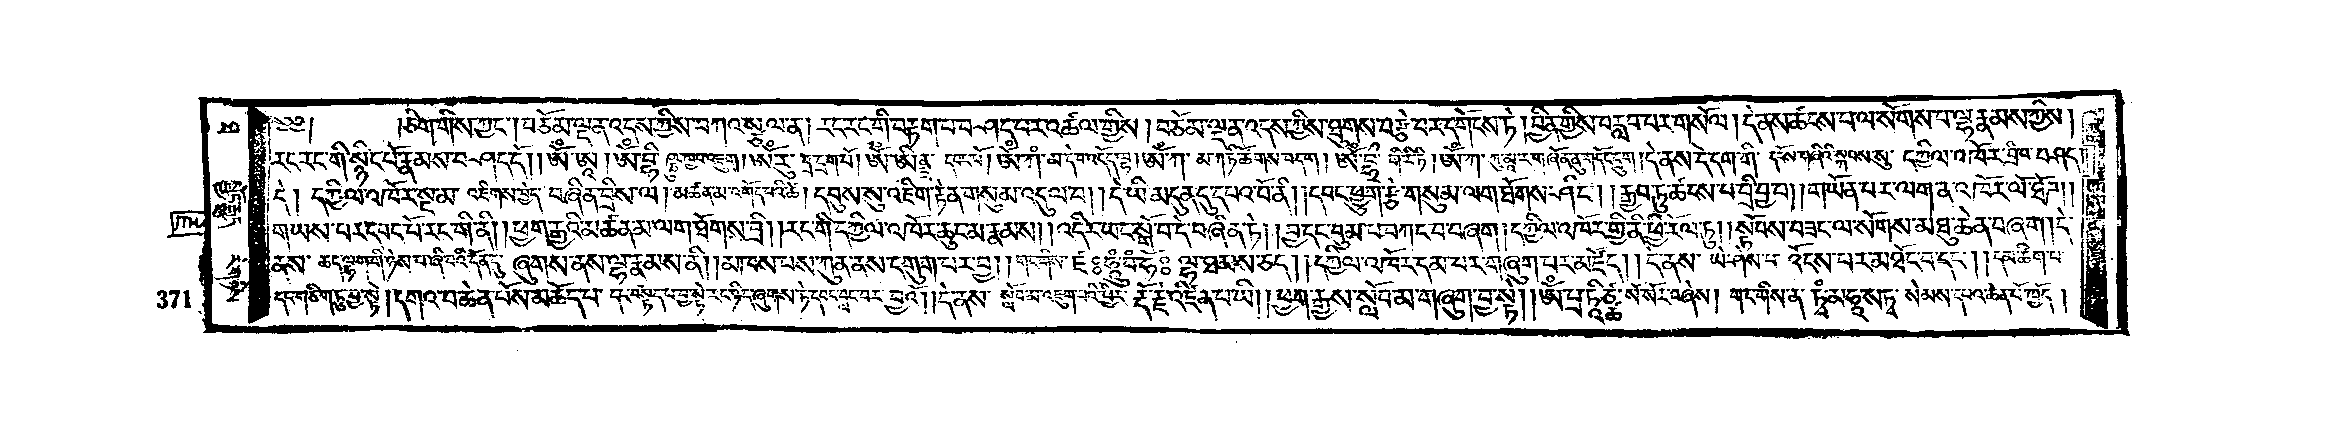༄༅། །ཅག་གིས་ཀྱང་། བཅོམ་ལྡན་འདས་ཀྱིས་བཀའ་སྩལ་ན། རང་རང་གི་བརྟག་པ་བཤད་པར་འཚལ་གྱིས། བཅོམ་ལྡན་འདས་ཀྱིས་ཐུགས་བརྩེ་བར་དགོངས་ཏེ། བྱིན་གྱིས་བརླབ་པར་གསོལ། དེ་ནས་ཚངས་པ་ལ་སོགས་པ་ལྷ་རྣམས་ཀྱིས།
རང་རང་གི་སྙིང་པོ་རྣམས་བཤད་དོ། །ཨོཾ་ཨཱ། ཨོཾ་བྷི་ཥྞུ་ཁྱབ་འཇུག་།ཨོཾ་རུ་དྲ་དྲག་པོ། ཨོཾ་ཨིནྡྲ་དབང་པོ། ཨོཾ་ཀཾ་མ་དེ་བ་འདོད་ལྷ། ཨོཾ་ཀ་མ་ཏི་ཚོགས་བདག །ཨོཾ་བྷྀ་གི་རི་ཏི། ཨོཾ་ཀ་ཀུ་མཱ་ར་གཞོན་ནུ་གདོང་དྲུག། དེ་ནས་དེ་དག་གི་དངོས་གཞིའི་སྐབས་སུ་དཀྱིལ་འཁོར་བྲི་བ་བཤད། །
དེ། དཀྱིལ་འཁོར་སྔ་མ་འཇིགས་བྱེད་བཞིན་བྲིས་ལ། མཚན་མ་འགོད་པའི་ཚེ། དབུས་སུ་འཇིག་རྟེན་གསུམ་འདུལ་བ། །དེ་ཡི་མདུན་དུ་དཔའ་བོ་ནི། །དབང་ཕྱུག་རྩེ་གསུམ་ལག་ཐོགས་ཤིང་། །རྒྱབ་ཏུ་ཚངས་པ་བྲི་བྱ་བ། །གཡོན་པར་ལག་ན་འཁོར་ལོ་ཐོགས། །
གཡས་པར་དབང་པོ་རང་གི་ནི། །ཕྱག་རྒྱའི་མཚན་མ་ལག་ཐོགས་བྲི། །རང་གི་དཀྱིལ་འཁོར་ཆུང་མ་རྣམས། །འདིར་ཡང་སྒོ་བ་དེ་བཞིན་ཏེ། །བྱ་དང་བུམ་པ་བཀང་བ་བཞག །དཀྱིལ་འཁོར་གྱི་ནི་ཕྱི་རོལ་ཏུ། །སྟོབས་བཟང་ལ་སོགས་མཐུ་ཆེན་བཞག །དེ་
ནས་ཆད་ལྷག་གི་ཉེས་པ་ཞི་བའི་དོན་དུ་ཞུགས་ནས་ལྷ་རྣམས་ནི། །མཁས་པས་ཀུན་ནས་དགུག་པར་བྱ། ། གང་གིས་ཛཿ ཧཱུཾ་བཾ་ཧོཿ ལྷ་ཐམས་ཅད། །དཀྱིལ་འཁོར་དམ་པར་གཞུག་པར་མཛོད། །དེ་ནས་ཡེ་ཤེས་པ་འོངས་པར་མཐོང་བ་དང་། །དམ་ཚིག་པ་
དང་གཅིག་ཏུ་བྱ་སྟེ། དགའ་བ་ཆེན་པོས་མཆོད་པ་དང་བསྟོད་པ་བྱ་སྟེ་རང་ཉིད་ཞུགས་ཏེ་དབང་བླང་བར་བྱའོ། །དེ་ནས་སློབ་མ་འཇུག་པའི་ཕྱིར་རྡོ་རྗེ་འཛིན་པ་ཡི། །ཕྱག་རྒྱས་སློབ་མ་གཞུག་བྱ་སྟེ། །ཨོཾ་པྲ་ཏཱི་ཙྪ་སོ་སོར་བཞེས། གང་གིས་ན་ཏྭཾ་མཧཱ་སཏྭ་སེམས་དཔའ་ཆེན་པོ་ཁྱོད།